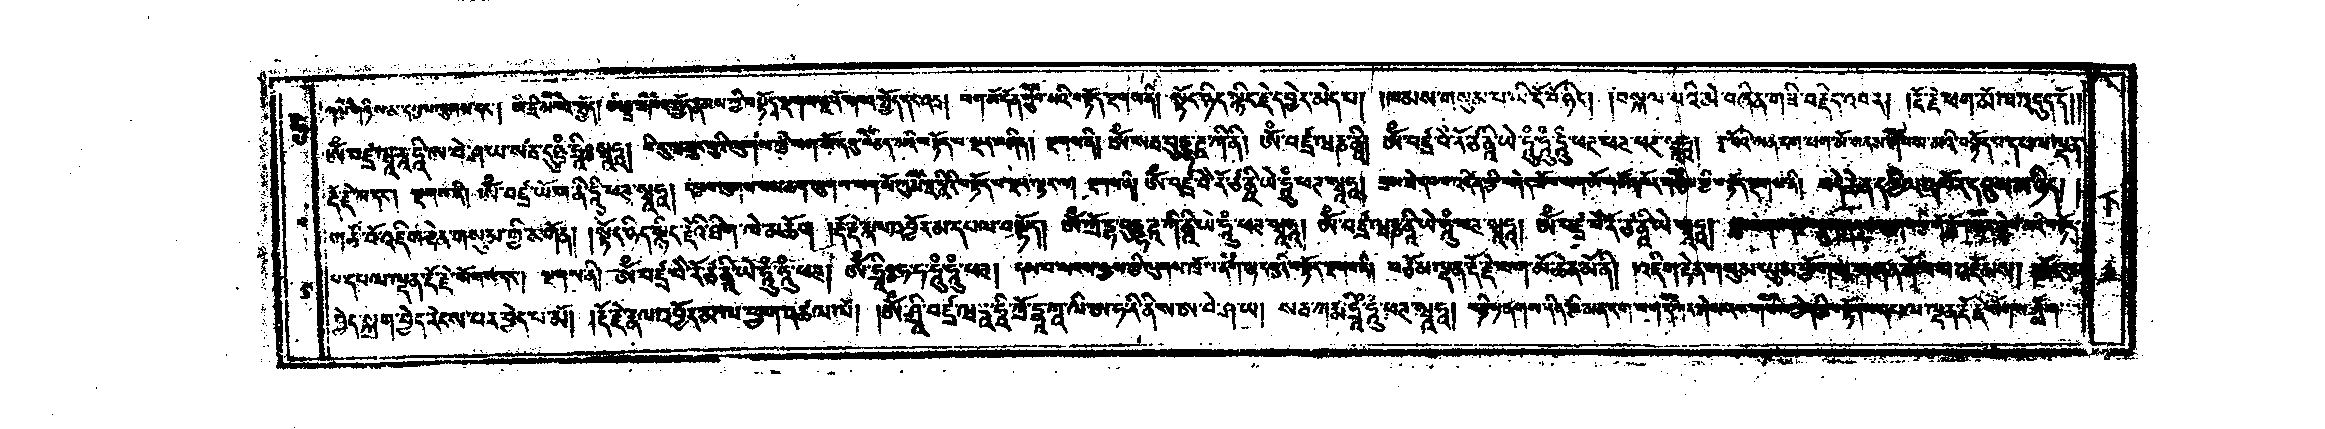ཞལ༣༢་གཉིས་མ་དཔྱལ་ལུགས་དང་། མཻ་ཏྲི་མཁའ༣༣་སྤྱོད། ཨིནྡྲ་མཁའ༣༤་སྤྱོད་རྣམས་ཀྱི་བསྟོད་སྔགས་ནཱ་རོ་མཁའ?་སྤྱོད་དང་འདྲ། ཕག་མོ་དོན་གྲུབ༣༥་མའི་བསྟོད་སྔགས་ནི། སྟོང་ཉིད་སྙིང་རྗེ་དབྱེར་མེད་པ། །ཁམས་གསུམ་པ་ཡི་ངོ་བོ་ཉིད། །བསྐལ་པའི་མེ་བཞིན་གཟི་བརྗིད་འབར། །རྡོ་རྗེ་ཕག་མོ་ལ་འདུད་དོ།།
ཨོཾ་བཛྲ་ཝཱ་རཱ་ཧཱི་ཨ་བེ་ཤ་ཡ་སརྦ་དུཥྜཾ་ཧྲཱིཿསྭཱཧཱ། བི་རུ་ཝ་ཆུང་ངུའི་ལུགས་ཀྱི་ཕག་མོ་དབུ་བཅད༣༦་མའི་བསྟོད་པ་སྔར་བཞིན། སྔགས་ནི། ཨོཾ་སརྦ་བུདྡྷ་ཌཱ་ཀི་ནི། ཨོཾ་བཛྲ་ཝརྞ་ནཱི། ཨོཾ་བཛྲ་བཻ་རོ་ཙ་ནཱི་ཡེ་ཧཱུཾ་ཧཱུཾ་ཧཱུཾ་ཕཊ་ཕཊ་ཕཊ་སྭཱཧཱ། རྭ་ལོའི་མན་ངག་ཕག་མོ་གནམ་ཞབས༣༧་མའི་བསྟོད་པ་དཔལ་ལྡན་
རྡོ་རྗེ་མ་དང་། སྔགས་ནི།  ཨོཾ་བཛྲ་ཡོག་ནི་ཧཱུཾ་ཕཊ་སྭཱཧཱ། དཔྱལ་ལུགས་སམ་ཆག་ལུགས་ཕག་མོ་ཀུརྨ༣༨་པཱ་དཱིའི་བསྟོད་པ་སྔར་ལྟར་ལ། སྔགས་ནི། ཨོཾ་བཛྲ་བཻ་རོ་ཙ་ནཱི་ཡེ་ཧཱུཾ་ཕཊ་སྭཱཧཱ། བྲམ་ཟེ་དཔལ་འཛིན་གྱི་བཞེད་གྲོལ་ཕག་མོ་གཙོ་འཁོར་གསུམ༣༩་གྱི་བསྟོད་སྔགས་ནི། བདེ་ཆེན་དཀྱིལ་འཁོར་དབུས་མ་ཉིད། །
གཙོ་བོ་འཇིག་རྟེན་གསུམ་གྱི་མགོན། །སྟོང་ཉིད་སྙིང་རྗེའི་ཐིག་ལེ་མཆོག །རྡོ་རྗེ་རྣལ་འབྱོར་མ་དཔལ་བསྟོད། ཨོཾ་ཀྲོ་དྷ་བུདྡྷ་ཌཱ་ཀི་ནཱི་ཡེ་ཧཱུཾ་ཕཊ་སྭཱཧཱ། ཨོཾ་བཛྲ་ཝརྞ་ནཱི་ཡེ་ཧཱུཾ་ཕཊ་སྭཱཧཱ། ཨོཾ་བཛྲ་བཻ་རོ་ཙ་ནཱི་ཡེ་སྭཱཧཱ། གྲུབ་ཆེན་མདའ་བསྣུན་ཞབས་ལུགས་ཀྱི་གོ་ཟློག་ལྷན༤༠་སྐྱེས་མའི་བསྟོང་
པ་དཔལ་ལྡན་རྡོ་རྗེ་སོགས་དང་། སྔགས་ནི། ཨོཾ་བཛྲ་བཻ་རོ་ཙ་ནཱི་ཡེ་ཧཱུཾ་ཧཱུཾ་ཕཊ། ཨོཾ་ཧྲཱིཿཧ་ཧ་ཧཱུཾ་ཧཱུཾ་ཕཊ། དམ་པ་སངས་རྒྱས་ཀྱི་ལུགས་ཁྲོས་ནག༤༡་ལྷ་དགུའི་བསྟོད་སྔགས་ནི། བཅོམ་ལྡན་རྡོ་རྗེ་ཕག་མོ་ཆེན་མོ་ནི། །འཇིག་རྟེན་གསུམ་ཡུམ་ཕྱོགས་གཞན་རྒོལ་བ་འཇོམས། །རྨོངས་
བྱེད་སྐྲག་བྱེད་རེངས་པར་བྱེད་པ་མོ། །རྡོ་རྗེ་རྣལ་འབྱོར་མ་ལ་ཕྱག་འཚལ་ལོ། །ཨོཾ་ཤྲཱི་བཛྲ་ཝ་རཱ་ཧཱི་ཀྲོ་དྷཱ་ཀཱ་ལི་ཨ་ཧ་རི་ནི་ས་ཨ་བེ་ཤ་ཡ། སརྦ་ཀརྨ་ཧྲཱིཾ་ཧཱུཾ་ཕཊ་སྭཱཧཱ། པཎྜི་ཏ་ནགས་རིན་གྱི་མན་ངག་ཕག་དཀར༤༢་ཤེས་རབ་གསལ༤༣་བྱེད་ཀྱི་བསྟོད་པ་དཔལ་ལྡན་རྡོ་རྗེ་སོགས་ཤླཽཀ